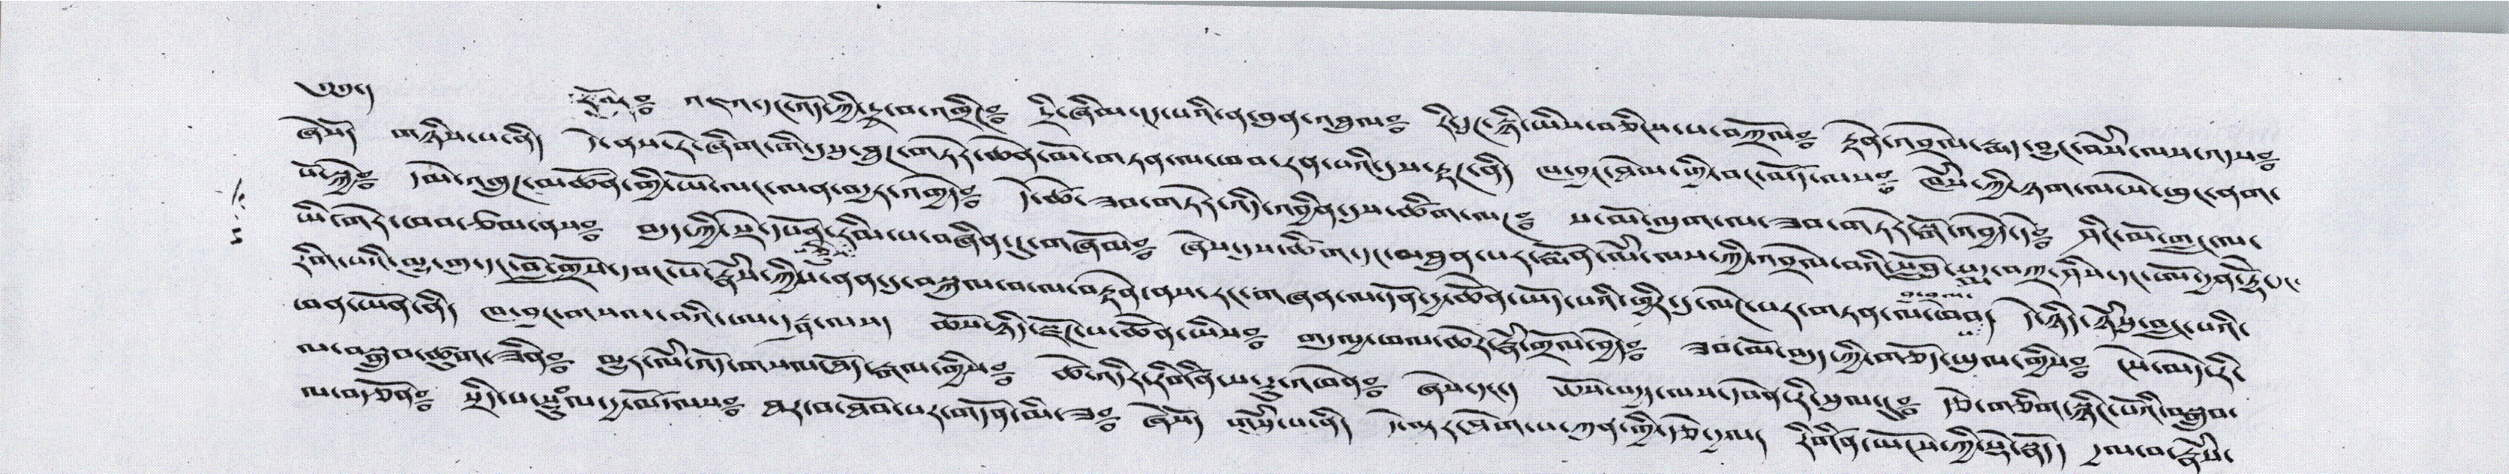རོལ༔ འཇའ་དང་འོད་ཀྱི་དྲྭ་བ་འཁྲིགས༔ དྲི་ཞིམ་ངད་པའི་ན་བུན་འཐུལ༔ རི་དྭགས་སྙི་ཡིས་བཅིངས་པ་བཀྲོལ༔ རྟེན་འབྲེལ་རྨད་འབྱུང་བསམ་ལས་འདས༔ 
ཞེས་སོ། གཉིས་པ་ནི། དེ་ནས་རེ་ཞིག་གི་དུས་སུ་ཐུགས་གཏེར་ཆེན་མོ་གཏན་ལ་ཕབ་རན་པའི་དུས་རྟགས་ནི། ཁ་བྱང་ཐེམ་གྱི་བང་མཛོད་ལས༔ ཁམས་ཀྱི་ཉག་ལ་སེ་ཕུང་ནག་
པོ་སྐྱེ༔ དམེ་འཁྲུགས་མཚོན་གྱི་ཡོ་ལང་ལན་བརྒྱར་འགྱེད༔ དེ་ཚེ་ཟབ་གཏེར་འདི་འབྱིན་དུས་ཚིག་ལགས༔ ས་མོ་ལུག་ལ་ཟབ་གཏེར་སྒོ་འབྱེད་དེ༔ ཤིང་མི་གླང་ལ་
ཡི་གེར་ཕབ་ཙམ་ནས༔ བདུད་ཀྱི་སྡེ་དཔོན་བཅུ་གཉིས་རིམ་པ་བཞིན་དུ་གཞོམ༔ ཞེས་དུས་ཚིག་དང་མཐུན་པར་སྨོན་ལམ་ལས་ཀྱི་འབྲེལ་བའི་སློབ་བུ་པདྨ་བཀྲ་ཤིས་དང་ཨོ་རྒྱན་རྡོ་རྗེ་དང་
རིག་པའི་མྱུ་གུ་དང་བློ་གྲོས་དབང་པོ་རྣམས་ཀྱིས་ནན་དུ་བསྐུལ་བ་ལ་བརྟེན་ནས་རང་གཞན་ལ་དོན་རྒྱ་ཆེན་པོ་ཡོད་པའི་ཕྱིར་དུ་ལེགས་པར་གཏན་ལ་ཕབས། དེ་ཉིད་ཉམས་སུ་བླང་བའི་
ཕན་ཡོན་ནི། ཁ་བྱང་གསལ་བའི་ཨ་དརྴ་ལས། ཆོས་ཉིད་རྫོགས་པ་ཆེན་པོ་ཡིས༔ གདུལ་བྱ་ཕལ་ཆེར་རྣམ་གྲོལ་བྱེད༔ ཟབ་མོ་བདུད་ཀྱི་གཅོད་ཡུལ་གྱིས༔ ངེས་མེད་རི་
ལ་བསྒྲུབ་ཚུག་ཟིན༔ མྱུར་ལམ་འོད་གསལ་ཐོད་རྒལ་གྱིས༔ ཚེ་འདིར་རིག་འཛིན་ས་རུ་འཕེན༔ ཞེས་དང། ཆོས་བརྒྱད་ལས་དབེན་རི་སུམ་དུ༔ རྩེ་གཅིག་སྙིང་པོའི་བསྒྲུབ་
ལ་བརྩོན༔ སྲིད་པ་སྡུག་བསྔལ་རྒྱ་མཚོ་ལས༔ ཐར་པ་ཐོབ་པར་གདོན་མི་ཟ༔ ཞེས་སོ། གསུམ་པ་ནི། དེ་ལྟར་ཐེག་པ་ཀུན་གྱི་རྩེ་རྒྱལ། རིག་འཛིན་ཡོངས་ཀྱི་སྡེ་སྣོད། རྒྱལ་བ་རྣམས་